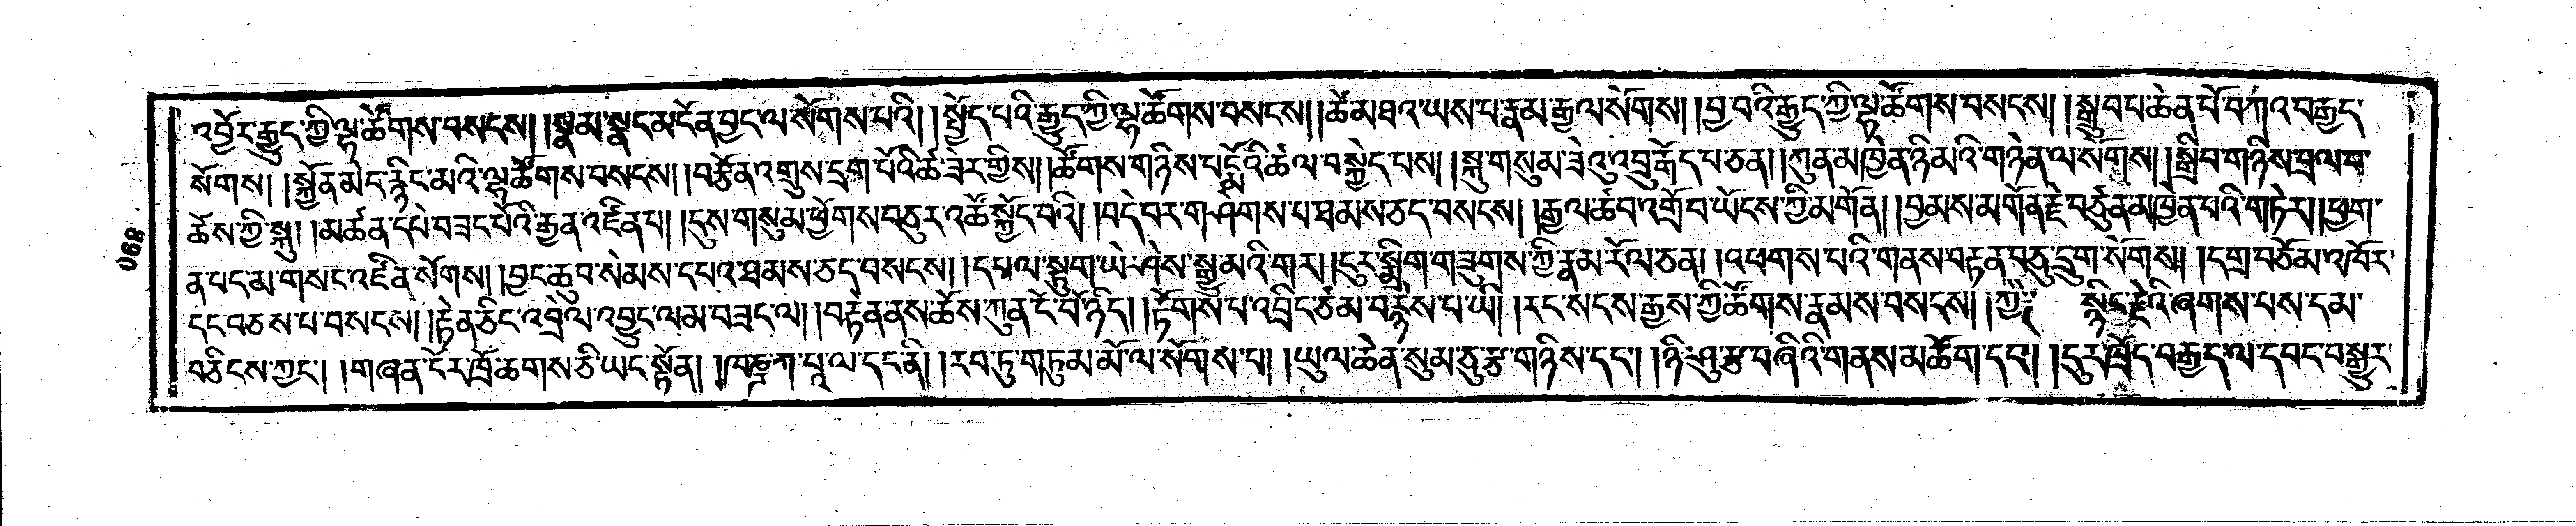འབྱོར་རྒྱུད་ཀྱི་ལྷ་ཚོགས་བསངས། །སྣམ་སྣང་མངོན་བྱང་ལ་སོགས་པའི། །སྤྱོད་པའི་རྒྱུད་ཀྱི་ལྷ་ཚོགས་བསངས། །ཚེ་མཐའ་ཡས་པ་རྣམ་རྒྱལ་སོགས། །བྱ་བའི་རྒྱུད་ཀྱི་ལྷ་ཚོགས་བསངས། །སྒྲུབ་པ་ཆེན་པོ་བཀའ་བརྒྱུད་
སོགས། །སྐྱོན་མེད་རྙིང་མའི་ལྷ་ཚོགས་བསངས། །བརྩོན་འགྲུས་དྲག་པོའི་ཚ་ཟེར་གྱིས། །ཚོགས་གཉིས་པདམོའི་ཚལ་བསྐྱེད་པས། །སྐུ་གསུམ་ཟེའུ་འབྲུ་རྒོད་པ་ཅན། །ཀུན་མཁྱེན་ཉི་མའི་གཉེན་ལ་སོགས། །སྒྲིབ་གཉིས་བྲལ་བ་
ཆོས་ཀྱི་སྐུ། །མཚན་དཔེ་བཟང་པོའི་རྒྱན་འཛིན་པ། །དུས་གསུམ་ཕྱོགས་བཅུར་འཚོ་སྐྱོང་བའི། །བདེ་བར་གཤེགས་པ་ཐམས་ཅད་བསངས། །རྒྱལ་ཚབ་འགྲོ་བ་ཡོངས་ཀྱི་མགོན། །བྱམས་མགོན་རྗེ་བཙུན་མཁྱེན་པའི་གཏེར། །ཕྱག་
ན་པད་མ་གསང་འཛིན་སོགས། །བྱང་ཆུབ་སེམས་དཔའ་ཐམས་ཅད་བསངས། །དཔལ་སྟུག་ཡེ་ཤེས་སྒྱུ་མའི་གར། །ངུར་སྨྲིག་གཟུགས་ཀྱི་རྣམ་རོལ་ཅན། །འཕགས་པའི་གནས་བརྟན་བཅུ་དྲུག་སོགས། །དགྲ་བཅོམ་འཁོར་
དང་བཅས་པ་བསངས། །རྟེན་ཅིང་འབྲེལ་འབྱུང་ལམ་བཟང་ལ། །བརྟེན་ནས་ཆོས་ཀུན་ངོ་བོ་ཉིད། །རྟོགས་པ་འབྲིང་ཙམ་བརྙེས་པ་ཡི། །རང་སངས་རྒྱས་ཀྱི་ཚོགས་རྣམས་བསངས། །ཀྱཻ། སྙིང་རྗེའི་ཞགས་པས་དམ་
བཅིངས་ཀྱང་། །གཞན་ངོར་ཁྲོ་ཆགས་ཅི་ཡང་སྟོན། །ཁཎྚ་ཀ་པཱ་ལ་དང་ནི། །རབ་ཏུ་གཏུམ་མོ་ལ་སོགས་པ། །ཡུལ་ཆེན་སུམ་ཅུ་རྩ་གཉིས་དང་། །ཉི་ཤུ་རྩ་བཞིའི་གནས་མཆོག་དང་། །དུར་ཁྲོད་བརྒྱད་ལ་དབང་བསྒྱུར་